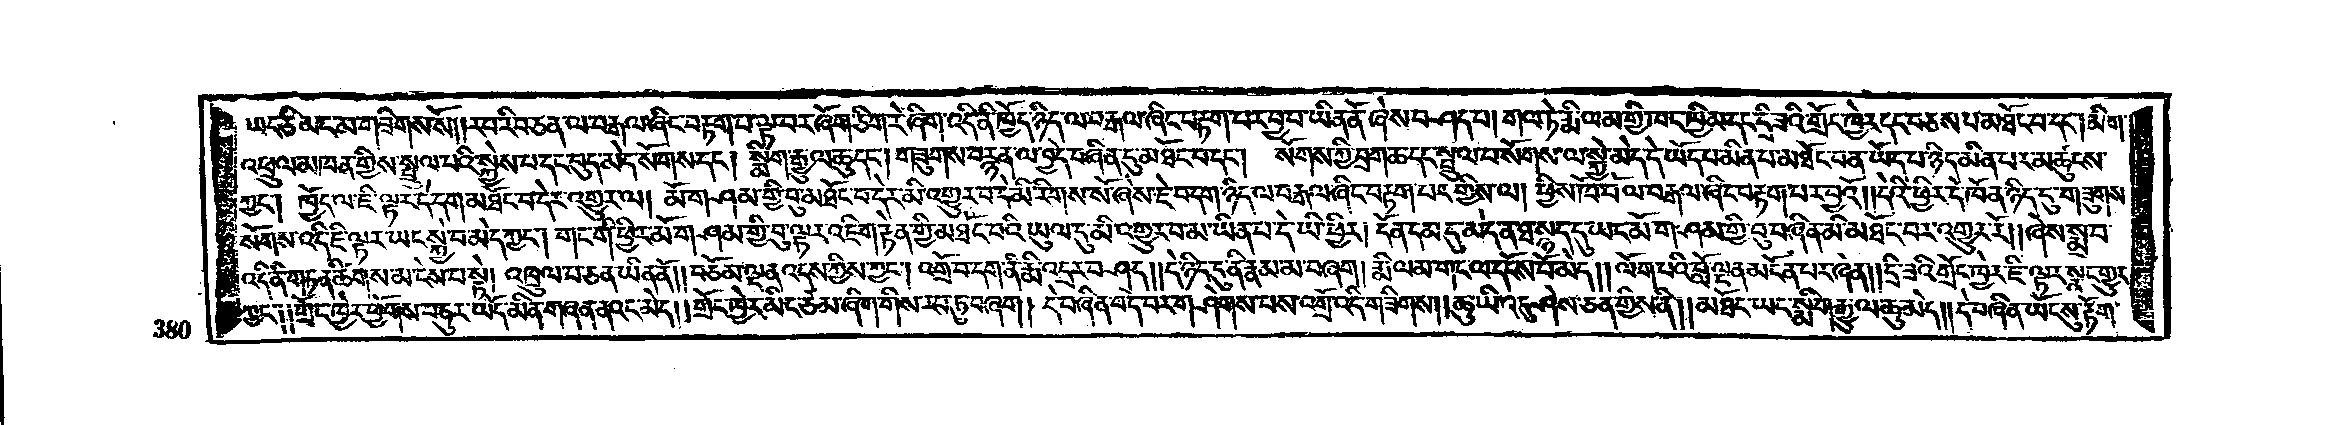ཡང་ཅི་ཡང་མ་གཟིགས་སོ། །རབ་རིབ་ཅན་ལ་བརྒལ་ཞིང་བརྟག་པ་ལྟ་བར་ཞོག་ཅིག་རེ་ཞིག་འདི་ནི་ཁྱོད་ཉིད་ལ་བརྒལ་ཞིང་བརྟག་པར་བྱ་བ་ཡིན་ནོ་ཞེས་བཤད་པ། གལ་ཏེ་རྨི་ལམ་གྱི་ཁང་ཁྱིམ་དང་དྲི་ཟའི་གྲོང་ཁྱེར་དང་བཅས་པ་མཐོང་བ་དང་། མིག་
འཕྲུལ་མཁན་གྱིས་སྤྲུལ་པའི་སྐྱེས་པ་དང་བུད་མེད་སོགས་དང་། སྨིག་རྒྱུ་ལ་ཆུ་དང་། གཟུགས་བརྙན་ལ་བྱད་བཞིན་དུ་མཐོང་བ་དང་། སོགས་ཀྱི་བྲག་ཆ་དང་སྤྲུལ་པ་སོགས་ལ་སྐྱེ་མེད་དེ་ཡོད་པ་མིན་པ་མཐོང་བ་ན་ཡོད་པ་ཉིད་མིན་པར་མཚུངས་
ཀྱང་། ཁྱོད་ལ་ཇི་ལྟར་དེ་དག་མཐོང་བ་དེར་འགྱུར་ལ། མོ་གཤམ་གྱི་བུ་མཐོང་བ་དེར་མི་འགྱུར་བ་དེ་མི་རིགས་སོ་ཞེས་ཇེ་བདག་ཉིད་ལ་བརྒལ་ཞིང་བརྟག་པར་གྱིས་ལ། ཕྱིས་ཁོ་བོ་ལ་བརྒལ་ཞིང་བརྟག་པར་བྱའོ། །དེའི་ཕྱིར་དེ་ཁོ་ན་ཉིད་དུ་གཟུགས་
སོགས་འདི་ཇི་ལྟར་ཡང་སྐྱེ་བ་མེད་ཀྱང་། གང་གི་ཕྱིར་མོ་གཤམ་གྱི་བུ་ལྟར་འཇིག་རྟེན་གྱི་མཐོང་བའི་ཡུལ་དུ་མི་འགྱུར་བ་མ་ཡིན་པ་དེ་ཡི་ཕྱིར། དོན་དམ་དུ་མེད་ན་ཐ་སྙད་དུ་ཡང་མོ་གཤམ་གྱི་བུ་བཞིན་མི་མཐོང་བར་འགྱུར་རོ། །ཞེས་སྨྲ་བ་
འདི་ནི་གཏན་ཚིགས་མ་ངེས་པ་སྟེ། འཁྲུལ་པ་ཅན་ཡིན་ནོ། །བཅོམ་ལྡན་འདས་ཀྱིས་ཀྱང་། འགྲོ་བ་དག་ནི་རྨི་འདྲར་བཤད། །དེ་ཉིད་དུ་ནི་རྣམ་མ་བཞག །རྨི་ལམ་གང་ལ་དངོས་པོ་མེད། །ལོག་པའི་བློ་ལྡན་མངོན་པར་ཞེན། །དྲི་ཟའི་གྲོང་ཁྱེར་ཇི་ལྟར་སྣང་གྱུར་
ཀྱང་། །གྲོང་ཁྱེར་ཕྱོགས་བཅུར་ཡོད་མིན་གཞན་ནའང་མེད། །གྲོང་ཁྱེར་མིང་ཙམ་ཞིག་གིས་རབ་ཏུ་བཞག །དེ་བཞིན་བདེ་བར་གཤེགས་པས་འགྲོ་འདི་གཟིགས། །ཆུ་ཡི་འདུ་ཤེས་ཅན་གྱིས་ནི། །མཐོང་ཡང་སྨིག་རྒྱུ་ལ་ཆུ་མེད། །དེ་བཞིན་ཡོངས་སུ་རྟོག་